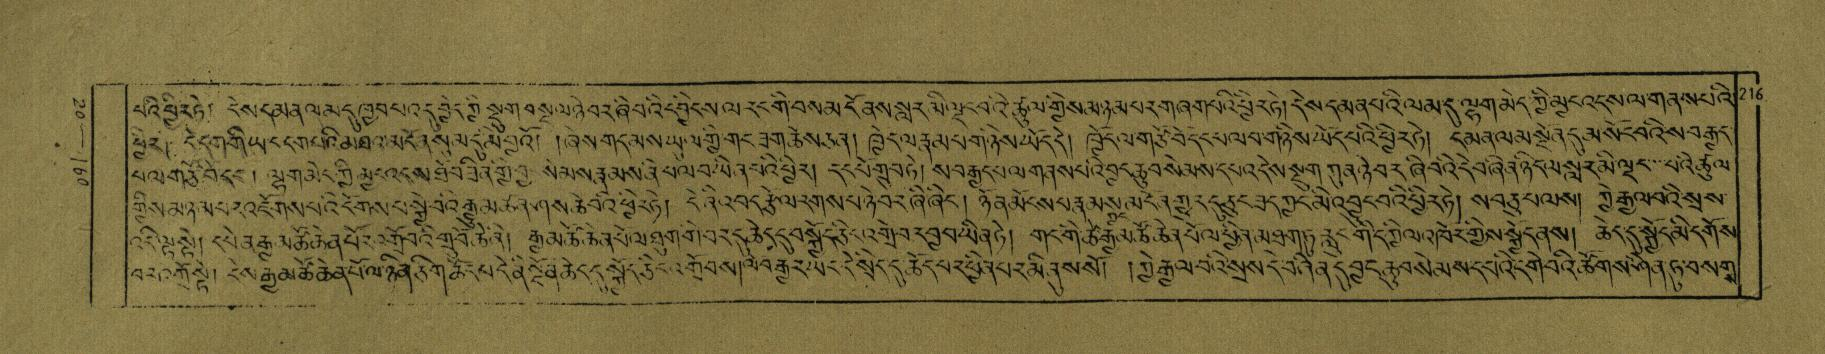པའི་ཕྱིར་ཏེ། དེས་དམན་ལམ་དུ་ཁྱབ་པ་འདུ་བྱེད་ཀྱི་སྡུག་བསྔལ་ཉེ་བར་ཞི་བའི་དབྱིངས་ལ་རང་གི་བསམ་ངོ་ནས་སླར་མི་ལྡང་བའི་ཚུལ་གྱིས་མཉམ་པར་གཞག་པའི་ཕྱིར་ཏེ། དེས་དམན་པའི་ལམ་དུ་ལྷག་མེད་ཀྱི་མྱང་འདས་ལ་གནས་པའི་
ཕྱིར༑ དེ་དག་གི་ཡང་དག་པའི་མཐའ་མངོན་སུམ་དུ་མི་བྱའོ། །ཞེས་གདམས་ཡུལ་གྱི་གང་ཟག་ཆོས་ཅན། ཁྱོད་ལ་རྣམ་པ་གཉིས་ཡོད་དེ། ཁྱོད་ལ་གཙོ་བོ་དང་ཕལ་བ་གཉིས་ཡོད་པའི་ཕྱིར་ཏེ། དམན་ལམ་སྔོན་དུ་མ་སོང་བའི་ས་བརྒྱད་
པ་ལ་གཙོ་བོ་དང་། ལྷག་མེད་ཀྱི་མྱང་འདས་ཐོབ་ཟིན་གྱི་བྱང་སེམས་རྣམས་ནི་ཕལ་བ་ཡིན་པའི་ཕྱིར། དང་པོ་གྲུབ་ཏེ། ས་བརྒྱད་པ་ལ་གནས་པའི་བྱང་ཆུབ་སེམས་དཔའ་དེས་སྡུག་ཀུན་ཉེ་བར་ཞི་བའི་དེ་བཞིན་ཉིད་ལ་སླར་མི་ལྡང་བའི་ཚུལ་
གྱིས་མཉམ་པར་འཇོགས་པའི་དོགས་པ་སྐྱེ་བའི་རྒྱུ་མཚན་ཤས་ཆེ་བའི་ཕྱིར་ཏེ། དེ་ནི་འབད་རྩོལ་རགས་པ་ཉེ་བར་ཞི་ཞིང་། ཉོན་མོངས་པ་རྣམས་ཀྱང་མངོན་གྱུར་དུ་ཅུང་ཟད་ཀྱང་མི་འབྱུང་བའི་ཕྱིར་ཏེ། ས་བཅུ་པ་ལས། ཀྱེ་རྒྱལ་བའི་སྲས་
འདི་ལྟ་སྟེ། དཔེ་ན་རྒྱ་མཚོ་ཆེན་པོར་འགྲོ་བའི་གྲུ་བོ་ཆེ་ནི། རྒྱ་མཚོ་ཆེན་པོ་ལ་ཐུག་གི་བར་དུ་ཆེད་དུ་བསྐྱོད་ཅིང་འགྲོ་བར་བྱ་བ་ཡིན་ཏེ། གང་གི་ཚེ་རྒྱ་མཚོ་ཆེན་པོ་ལ་ཕྱིན་མ་ཐག་ཏུ་རླུང་གི་དཀྱིལ་འཁོར་གྱིས་སྐྱོད་ནས། ཆེད་དུ་སྐྱོད་མི་དགོས་
བར་འགྲོ་སྟེ། དེས་རྒྱ་མཚོ་ཆེན་པོ་ལ་ཉིན་ཅིག་ཆོད་པ་དེ་ནི་སྔོན་ཆེད་དུ་སྐྱོད་ཅིང་འགྲོ་བས། ལོ་བརྒྱར་ཡང་དེ་སྲིད་དུ་ཆོད་པར་ཕྱིན་པར་མི་ནུས་སོ། །ཀྱེ་རྒྱལ་བའི་སྲས་དེ་བཞིན་དུ་བྱང་ཆུབ་སེམས་དཔའི་དགེ་བའི་ཚོགས་ཤིན་ཏུ་བསགས་